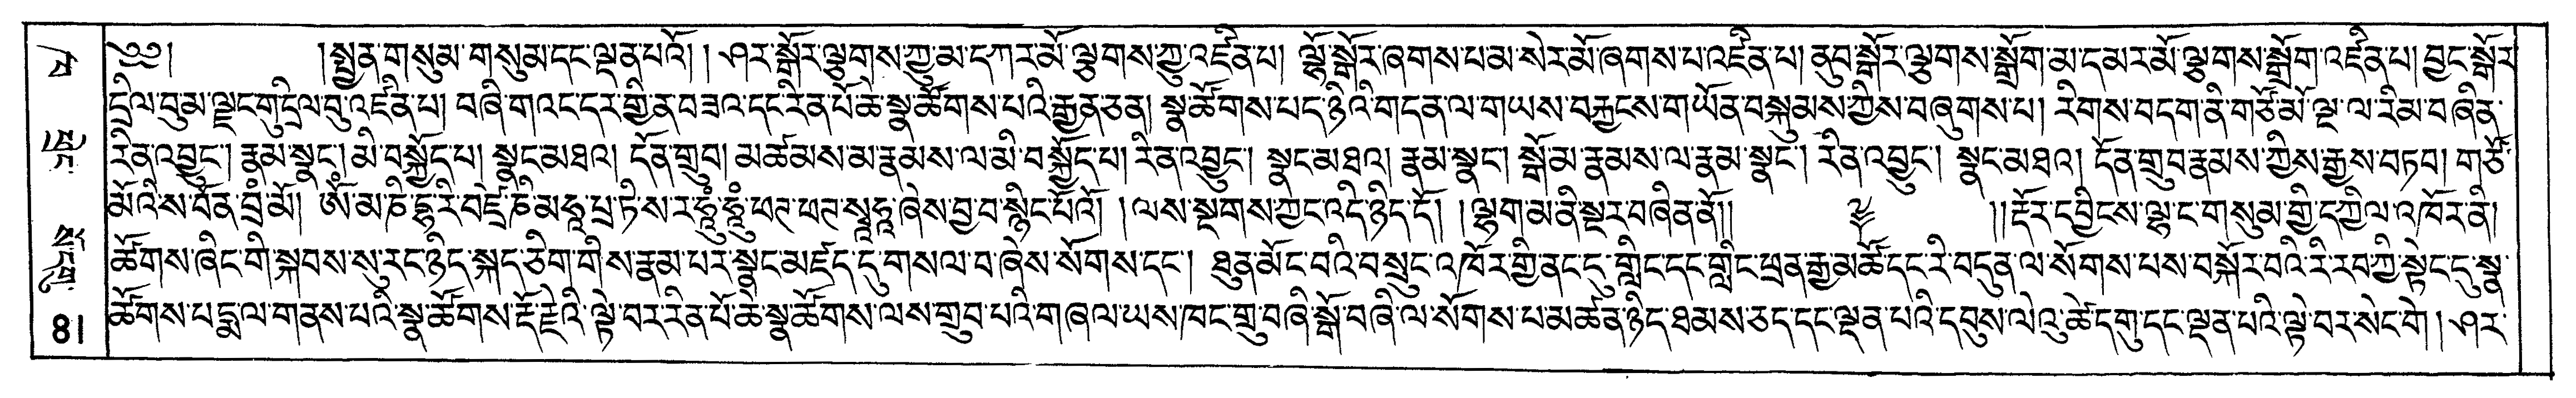༄༅། །སྤྱན་གསུམ་གསུམ་དང་ལྡན་པའོ། །ཤར་སྒོར་ལྕགས་ཀྱུ་མ་དཀར་མོ་ལྕགས་ཀྱུ་འཛིན་པ། ལྷོ་སྒོར་ཞགས་པ་མ་སེར་མོ་ཞགས་པ་འཛིན་པ། ནུབ་སྒོར་ལྕགས་སྒྲོག་མ་དམར་མོ་ལྕགས་སྒྲོག་འཛིན་པ། བྱང་སྒོར་
དྲིལ་བུ་མ་ལྗང་གུ་དྲིལ་བུ་འཛིན་པ། བཞི་གའང་དར་གྱི་ན་བཟའ་དང་རིན་པོ་ཆེ་སྣ་ཚོགས་པའི་རྒྱན་ཅན། སྣ་ཚོགས་པད་ཉིའི་གདན་ལ་གཡས་བརྐྱངས་གཡོན་བསྐུམས་ཀྱིས་བཞུགས་པ། རིགས་བདག་ནི་གཙོ་མོ་ལྔ་ལ་རིམ་བཞིན་
རིན་འབྱུང་། རྣམ་སྣང་། མི་བསྐྱོད་པ། སྣང་མཐའ། དོན་གྲུབ། མཚམས་མ་རྣམས་ལ་མི་བསྐྱོད་པ། རིན་འབྱུང་། སྣང་མཐའ། རྣམ་སྣང་། སྒོ་མ་རྣམས་ལ་རྣམ་སྣང་། རིན་འབྱུང་། སྣང་མཐའ། དོན་གྲུབ་རྣམས་ཀྱིས་རྒྱས་བཏབ། གཙོ་
མོའི་ས་བོན་བྲཾ་མོ། ཨོཾ་མ་ཎི་དྷ་རི་བཛྲེ་ཎི་མཧཱ་པྲ་ཏི་ས་ར་ཧཱུཾ་ཧཱུཾ་ཕཊ་ཕཊ་སྭཱཧཱ་ཞེས་བྱ་བ་སྙིང་པོའོ། །ལས་སྔགས་ཀྱང་འདི་ཉིད་དོ། །ལྷག་མ་ནི་སྔར་བཞིན་ནོ།། ༈ །།རྡོར་དབྱིངས་ལྷ་ང་གསུམ་གྱི་དཀྱིལ་འཁོར་ནི།
ཚོགས་ཞིང་གི་སྐབས་སུ་རང་ཉིད་སྐད་ཅིག་གིས་རྣམ་པར་སྣང་མཛད་དུ་གསལ་བ་ཞེས་སོགས་དང་། ཐུན་མོང་བའི་བསྲུང་འཁོར་གྱི་ནང་དུ་གླིང་དང་གླིང་ཕྲན་རྒྱ་མཚོ་དང་རི་བདུན་ལ་སོགས་པས་བསྐོར་བའི་རི་རབ་ཀྱི་སྟེང་དུ་སྣ་
ཚོགས་པདམ་ལ་གནས་པའི་སྣ་ཚོགས་རྡོ་རྗེའི་ལྟེ་བར་རིན་པོ་ཆེ་སྣ་ཚོགས་ལས་གྲུབ་པའི་གཞལ་ཡས་ཁང་གླུ་བཞི་སྒོ་བཞི་ལ་སོགས་པ་མཚན་ཉིད་ཐམས་ཅད་དང་ལྡན་པའི་དབུས་ལེའུ་ཚེ་དགུ་དང་ལྡན་པའི་ལྟེ་བར་སེང་གེ ། ཤར་